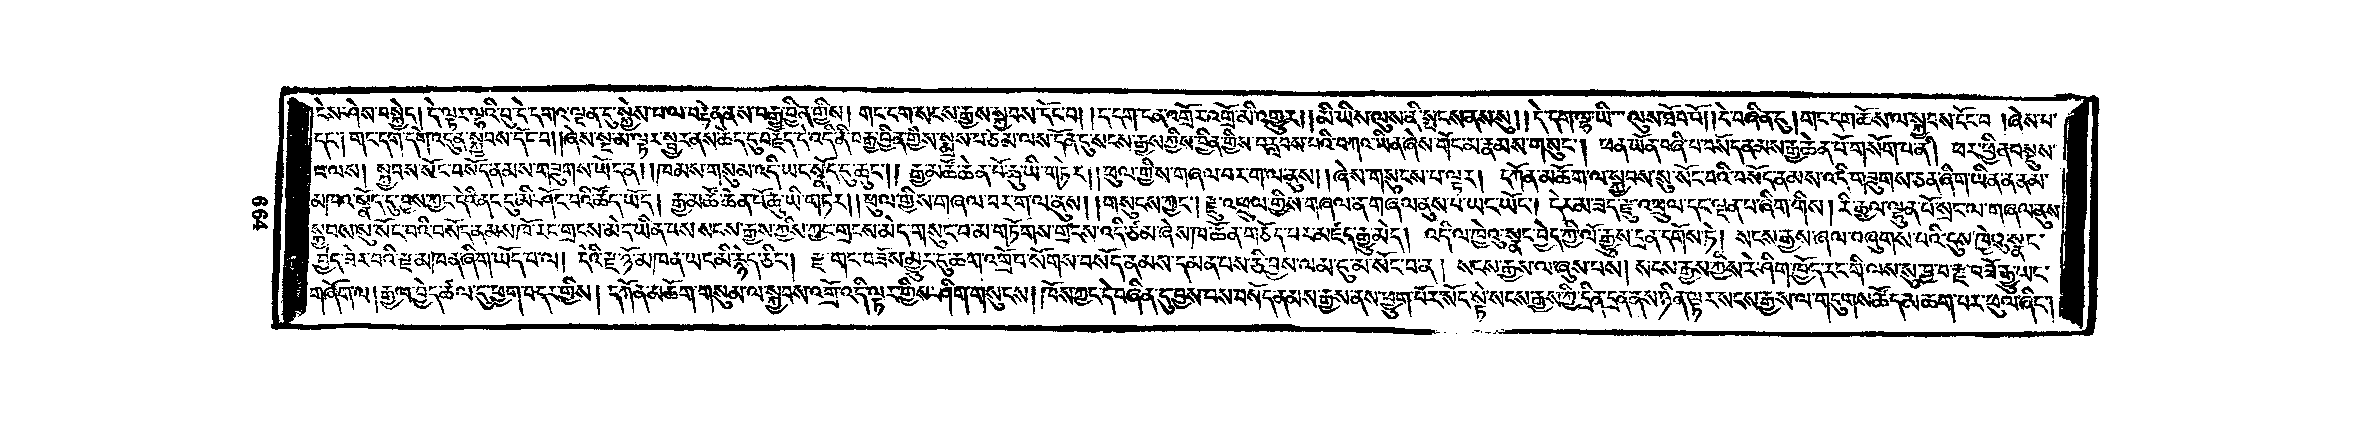ངེས་ཤེས་བསྐྱེད། དེ་ལྟར་ལྷའི་བུ་དེ་དགའ་ལྡན་དུ་སྐྱེས་པ་ལ་བརྟེན་ནས་བརྒྱ་བྱིན་གྱིས། གང་དག་སངས་རྒྱས་སྐྱབས་དོང་བ། །ད་དག་ངན་འགྲོར་འགྲོ་མི་འགྱུར། །མི་ཡིས་ལུས་ནི་སྤངས་ནས་སུ། །དེ་དག་ལྷ་ཡི་ལུས་ཐོབ་བོ། །དེ་བཞིན་དུ། གང་དག་ཆོས་ལ་སྐྱབས་དོང་བ། ཞེས་པ་
དང་། གང་དག་དགེ་འདུན་སྐྱབས་དོང་བ། །ཞེས་སྔ་མ་ལྟར་སྦྱར་ནས་ཆེད་དུ་བརྗོད་དེ་འདི་ནི་བརྒྱ་བྱིན་གྱིས་སྨྲས་པ་ཙམ་ལས་དོན་དུ་སངས་རྒྱས་ཀྱིས་བྱིན་གྱིས་བརླབས་པའི་བཀའ་ཡིན་ཞེས་གོང་མ་རྣམས་གསུང་། ཕན་ཡོན་བཞི་པ་བསོད་ནམས་རྒྱ་ཆེན་པོ་གསོག་པ་ནི། ཕར་ཕྱིན་བསྡུས་
པ་ལས། སྐྱབས་སོང་བསོད་ནམས་གཟུགས་ཡོད་ན། །ཁམས་གསུམ་འདི་ཡང་སྣོད་དུ་ཆུང་། །རྒྱ་མཚོ་ཆེན་པོ་ཆུ་ཡི་གཏེར། །ཕུལ་གྱིས་གཞལ་བར་ག་ལ་ནུས། །ཞེས་གསུངས་པ་ལྟར། དཀོན་མཆོག་ལ་སྐྱབས་སུ་སོང་བའི་བསོད་ནམས་འདི་གཟུགས་ཅན་ཞིག་ཡིན་ན་ནམ་
མཁའ་སྣོད་དུ་བྱས་ཀྱང་དེའི་ནང་དུ་མི་ཤོང་བའི་ཚོད་ཡོད། རྒྱ་མཚོ་ཆེན་པོ་ཆུ་ཡི་གཏེར། །ཕུལ་གྱིས་གཞལ་བར་ག་ལ་ནུས། །གསུངས་ཀྱང་། རྫུ་འཕྲུལ་གྱིས་གཞལ་ན་གཞལ་ནུས་པ་ཡང་ཡོང་། དེར་མ་ཟད་རྫུ་འཕྲུལ་དང་ལྡན་པ་ཞིག་གིས། རི་རྒྱལ་ལྷུན་པོ་སྲང་ལ་གཞལ་ནུས་
སྐྱབས་སུ་སོང་བའི་བསོད་ནམས་ཁོ་རང་གྲངས་མེད་ཡིན་པས་སངས་རྒྱས་ཀྱིས་ཀྱང་གྲངས་མེད་གསུང་བ་མ་གཏོགས་གྲངས་འདི་ཙམ་ཞེས་ཁ་ཚོན་གཅོད་པར་མཛད་རྒྱུ་མེད། འདི་ལ་ཁྱེའུ་སྣང་བྱེད་ཀྱི་ལོ་རྒྱུས་དྲན་དགོས་ཏེ། སངས་རྒྱས་ཞལ་བཞུགས་པའི་དུས་ཁྱེའུ་སྣང་
བྱེད་ཟེར་བའི་རྫ་མཁན་ཞིག་ཡོད་པ་ལ། དེའི་རྫ་ཉོ་མཁན་ཡང་མི་རྙེད་ཅིང་། རྫ་གང་བཟོས་མྱུར་དུ་ཆག་འགྲོ་བ་སོགས་བསོད་ནམས་དམན་པས་ཅི་བྱས་ལམ་དུ་མ་སོང་བ་ན། སངས་རྒྱས་ལ་ཞུས་པས། སངས་རྒྱས་ཀྱིས་རེ་ཤིག་ཁྱོད་རང་གི་ལས་སུ་བྱ་བ་རྫ་བཟོ་རྒྱུ་ཡང་
གཞོག་ལ། རྒྱལ་བྱེད་ཚལ་དུ་ཕྱག་བདར་གྱིས། དཀོན་མཆོག་གསུམ་ལ་སྐྱབས་འགྲོ་འདི་ལྟར་གྱིས་ཤིག་གསུངས། ཁོས་ཀྱང་དེ་བཞིན་དུ་བྱས་བས་བསོད་ནམས་རྒྱས་ནས་ཕྱུག་པོར་སོང་སྟེ་སངས་རྒྱས་ཀྱི་དྲིན་དྲན་ནས་ཉིན་ལྟར་སངས་རྒྱས་ལ་གདུགས་ཚོད་མ་ཆག་པར་ཕུལ་ཞིང་།